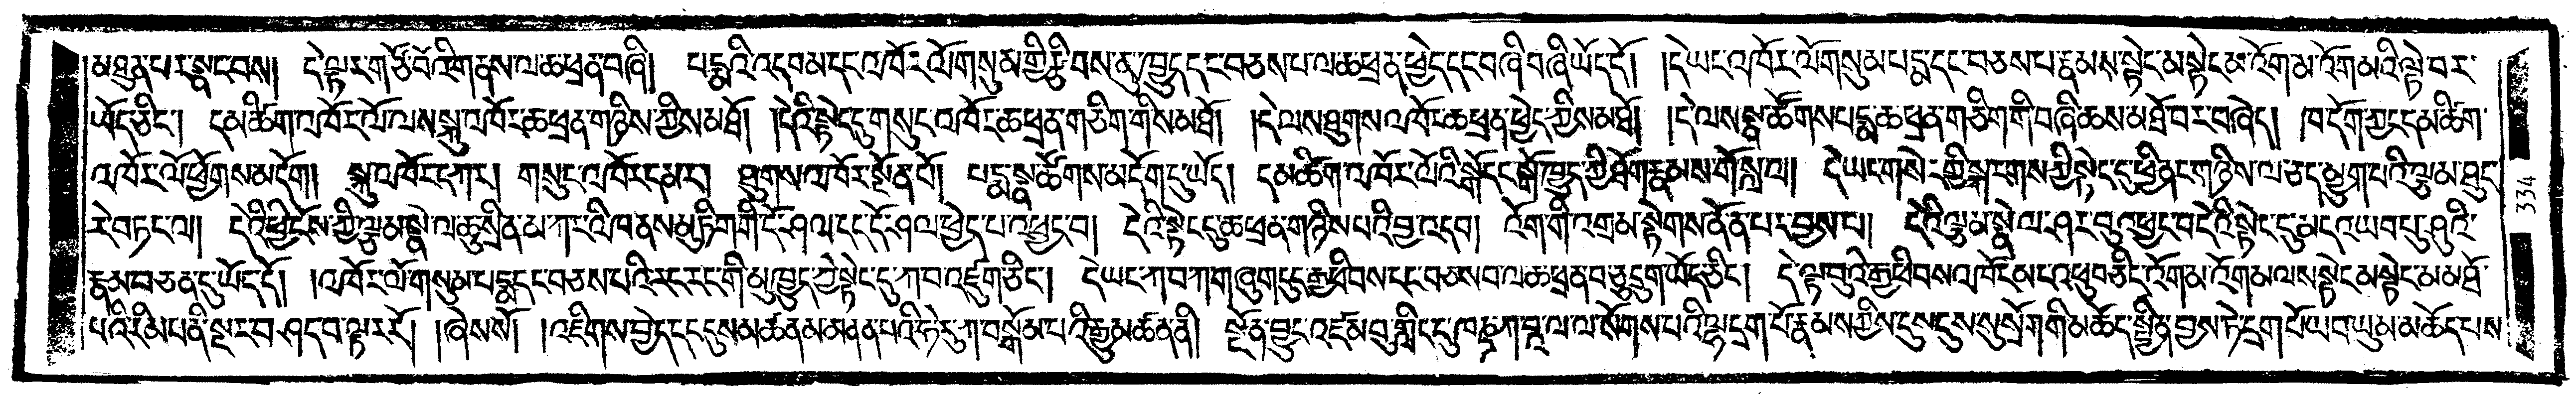མཐུན་པར་སྣང་བས། དེ་ལྟར་གཙོ་བོའི་གནས་ལ་ཆ་ཕྲན་བཞི། པདམའི་འདབ་མ་དང་འཁོར་ལོ་གསུམ་གྱི་རྩིབས་ནུ་ཁྱུད་དང་བཅས་པ་ལ་ཆ་ཕྲན་ཕྱེད་དང་བཞི་བཞི་ཡོད་དོ། །དེ་ཡང་འཁོར་ལོ་གསུམ་པདམ་དང་བཅས་པ་རྣམས་སྟེང་མ་སྟེང་མ་འོག་མ་འོག་མའི་ལྟེ་བར་
ཡོད་ཅིང་། དམ་ཚིག་འཁོར་ལོ་ལས་སྐུ་འཁོར་ཆ་ཕྲན་གཉིས་ཀྱིས་མཐོ། །དེའི་སྟེང་དུ་གསུང་འཁོར་ཆ་ཕྲན་གཅིག་གིས་མཐོ། །དེ་ལས་ཐུགས་འཁོར་ཆ་ཕྲན་ཕྱེད་ཀྱིས་མཐོ། །དེ་ལས་སྣ་ཚོགས་པདམ་ཆ་ཕྲན་གཅིག་གི་བཞི་ཆས་མཐོ་བར་བཞེད། ཁ་དོག་ཀྱང་དམ་ཚིག་
འཁོར་ལོ་ཕྱོགས་མདོག། སྐུ་འཁོར་དཀར། གསུང་འཁོར་དམར། ཐུགས་འཁོར་སྔོན་པོ། པདམ་སྣ་ཚོགས་མདོག་དུ་ཡོད། དམ་ཚིག་འཁོར་ལོའི་སྒོ་དང་སྒོ་ཁྱུད་ཀྱི་ཐོག་རྣམས་གོ་སླ་ལ། དེ་ཡང་གསེར་གྱི་སྐ་རགས་ཀྱི་སྟེང་དུ་ཕྱི་ནང་གཉིས་ལ་ཅད་མྱུག་པའི་ལྕམ་ཐུང་
རེ་བཏང་ལ། དེའི་ཕྱི་ངོས་ཀྱི་ལྕམ་སྣེ་ལ་ཆུ་སྲིན་མ་ཀ་རའི་ཁ་ནས་མུ་ཏིག་གི་དོ་ཤལ་དང་དོ་ཤལ་ཕྱེད་པ་འཕྱང་བ། དེའི་སྟེང་དུ་ཆ་ཕྲན་གཉིས་པའི་བྱ་འདབ། འོག་གི་འགྲམ་སྟེགས་ནོན་པར་བྱས་པ། དེའི་ལྕམ་སྣེལ་ཤར་བུ་འཕྱང་བ་དེའི་སྟེང་དུ་མདའ་ཡབ་པུ་ཤུའི་
རྣམ་པ་ཅན་དུ་ཡོད་དོ། །འཁོར་ལོ་གསུམ་པདམ་དང་བཅས་པའི་རང་རང་གི་མུ་ཁྱུད་ཀྱེ་སྟེང་དུ་ཀ་བ་འཛུག་ཅིང་། དེ་ཡང་ཀ་བ་ཀ་གཞུག་དུང་རྒྱ་ཕིབས་དང་བཅས་པ་ལ་ཆ་ཕྲན་བཅུ་དྲུག་ཡོད་ཅིང་། དེ་ལྟ་བུའི་རྒྱ་ཕིབས་འཁོར་མདའ་ཕུབ་ཅིང་འོག་མ་འོག་མ་ལས་སྟེང་མ་སྟེང་མ་མཐོ་
པའི་རིམ་པ་ནི་སྔར་བཤད་པ་ལྟར་རོ། །ཞེས་སོ། །འཇིགས་བྱེད་དང་དུས་མཚན་མ་མནན་པའི་ཧེ་རུ་ཀ་བསྒོམ་པའི་རྒྱུ་མཚན་ནི། སྔོན་བྱུང་འཛམ་བུ་གླིང་དུ་ཁཎྜ་ཀ་བཱ་ལ་ལ་སོགས་པའི་ལྷ་དྲག་པོ་རྣམས་ཀྱིས་དུས་དུས་སུ་སྲོག་གི་མཆོད་སྦྱིན་བྱས་ཏེ་དྲག་པོ་ཡབ་ཡུམ་མཆོད་པས་